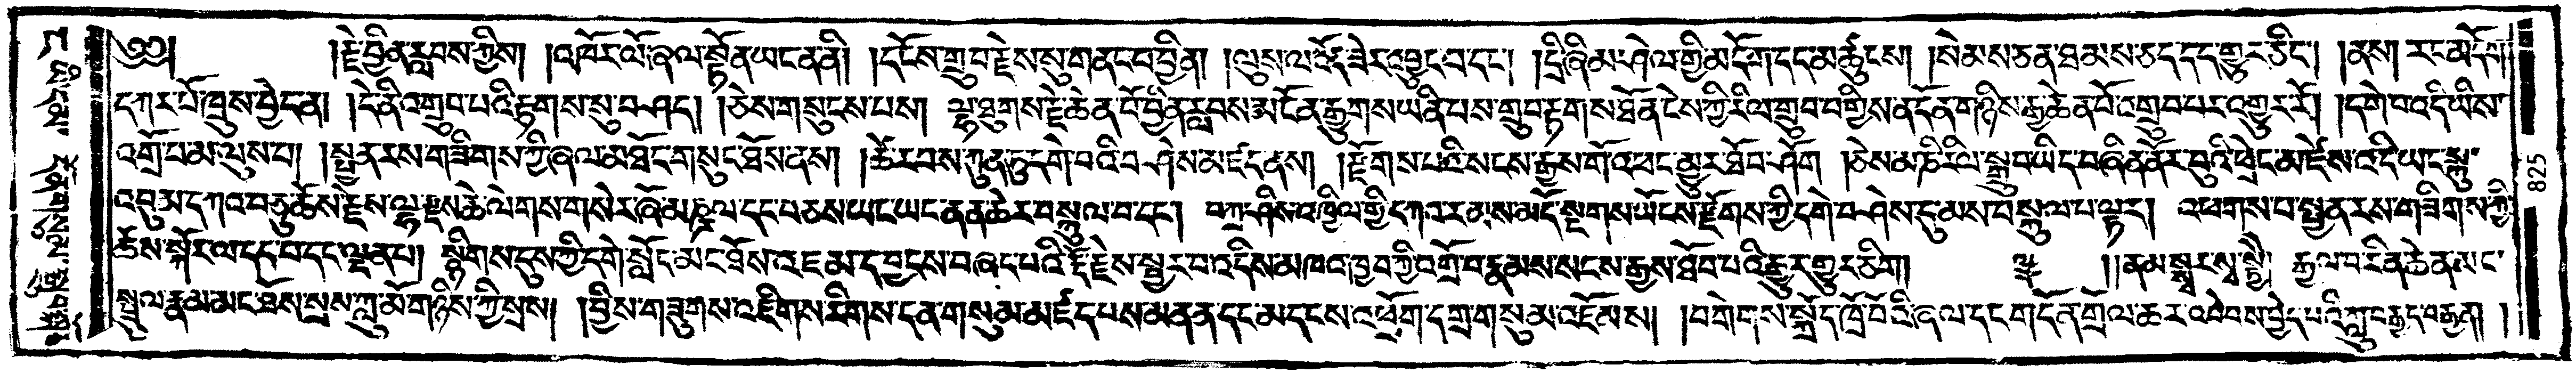༄༅། །རྗེ་བྱིན་རླབས་ཀྱིས། །འཁོར་ལོ་ཞལ་སྟོན་ཡང་ན་ནི། །དངོས་གྲུབ་རྗེས་སུ་གནང་བ་བྱིན། །ལུས་ལ་འོད་ཟེར་འབྱུང་བ་དང་། །དྲི་ཞིམ་ཤེལ་གྱི་མདོག་དང་མཚུངས། །སེམས་ཅན་ཐམས་ཅད་དང་གྱུར་ཞིང་། །གནས། རང་མོད་དེ་
དཀར་པོ་ཁྲུས་བྱེད་ན། །དེ་ནི་འགྲུབ་པའི་རྟགས་སུ་བཤད། །ཅེས་གསུངས་པས། ལྷ་ཐུགས་རྗེ་ཆེན་པོ་བྱིན་རླབས་མངོན་རྒྱུགས་ཡིན་པས་གྲུབ་རྟགས་ཐོན་ངེས་ཀྱི་རིལ་གྲུབ་བགྱིས་ན་དོན་གཉིས་རྒྱ་ཆེན་པོ་འགྲུབ་པར་འགྱུར་རོ། །དགེ་བ་འདི་ཡིས་
འགྲོ་བ་མ་ལུས་པ། །སྤྱན་རས་གཟིགས་ཀྱི་ཞལ་མཐོང་གསུང་ཐོས་ནས། །ཚེ་རབས་ཀུན་ཏུ་དགེ་བའི་བཤེས་མཛད་ནས། །རྫོགས་པའི་སངས་རྒྱས་གོ་འཕང་མྱུར་ཐོབ་ཤོག །ཅེས་མ་ཎི་རིལ་སྒྲུབ་ཡིད་བཞིན་ནོར་བུའི་ཕྲེང་མཛེས་འདི་ཡང་སྐུ་
འབུམ་དཀའ་བཅུ་ཆོས་རྗེས་ལྷ་རྫས་ཆེ་ལེགས་གསེར་ཞོ་མཎྜལ་དང་བཅས་ཡང་ཡང་ནན་ཆེར་བསྐུལ་བ་དང་། བཀྲ་ཤིས་འཁྱིལ་གྱི་དཀའ་རྣམས་མདོ་སྔགས་ཡོངས་རྫོགས་ཀྱི་དགེ་བཤེས་དུ་མས་བསྐུལ་པ་ལྟར། འཕགས་པ་སྤྱན་རས་གཟིགས་ཀྱི་
ཆོས་སྐོར་ལ་དང་པ་དང་ལྡན་པ། སྙིགས་དུས་ཀྱི་དགེ་སློང་མང་ཐོས་འཇམ་དབྱངས་བཞད་པའི་རྡོ་རྗེས་སྦྱར་བ་འདིས་མཁའ་ཁྱབ་ཀྱི་འགྲོ་བ་རྣམས་སངས་རྒྱས་ཐོབ་པའི་རྒྱུར་གྱུར་ཅིག། ༈ །།ན་མ་སྶྭར་སྭ་སྟྱཻ། རྒྱལ་བ་རིན་ཆེན་ལང་
སྤྲུལ་རྣམ་མང་ཐོས་སྲས་ཀླུ་མོ་གཉིས་ཀྱི་སྲས། །བྱིས་གཟུགས་འཇིགས་རིགས་དན་གསུམ་མཛད་པས་མནན་དང་མདངས་འཕྲོག་དགྲ་གསུམ་འཇོམས། །བགེགས་སྐྲོད་ཁྲོ་བོའི་ཞལ་དང་གདོན་གྲོལ་ཆར་འབེབས་བྱེད་པའི་ཀླུ་བརྒྱད་བརྒྱན། །